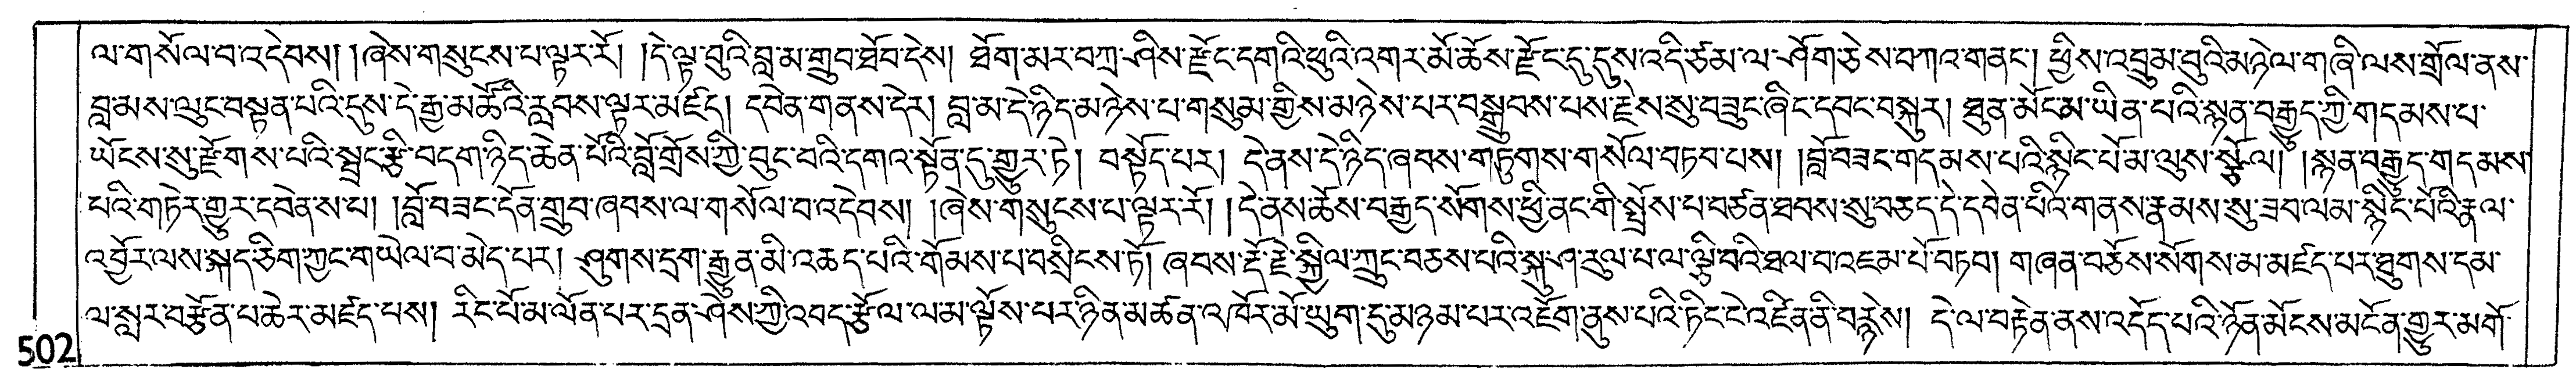ལ་གསོལ་བ་འདེབས། །ཞེས་གསུངས་པ་ལྟར་རོ། །དེ་ལྟ་བུའི་བླ་མ་གྲུབ་ཐོབ་དེས། ཐོག་མར་བཀྲ་ཤིས་རྫོང་དགའི་ཕུའི་འགར་མོ་ཆོས་རྫོང་དུ་དུས་འདི་ཙམ་ལ་ཤོག་ཅེས་བཀའ་གནང་། ཕྱིས་འབྲུམ་བུའི་མཉེལ་གཞི་ལས་གྲོལ་ནས་
བླ་མས་ལུང་བསྟན་པའི་དུས་དེ་རྒྱ་མཚོའི་རླབས་ལྟར་མཛད། དབེན་གནས་དེར། བླ་མ་དེ་ཉིད་མཉེས་པ་གསུམ་གྱིས་མཉེས་པར་བསྒྲུབས་པས་རྗེས་སུ་བཟུང་ཞིང་དབང་བསྐུར། ཐུན་མོང་མ་ཡིན་པའི་སྙན་བརྒྱུད་ཀྱི་གདམས་པ་
ཡོངས་སུ་རྫོགས་པའི་སྦྲང་རྩི་བདག་ཉིད་ཆེན་པོའི་བློ་གྲོས་ཀྱི་བུང་བའི་དགའ་སྟོན་དུ་གྱུར་ཏེ། བསྟོད་པར། དེ་ནས་དེ་ཉིད་ཞབས་གཏུགས་གསོལ་བཏབ་པས། །བློ་བཟང་གདམས་པའི་སྙིང་པོ་མ་ལུས་སྩོལ། །སྙན་བརྒྱུད་གདམས་
པའི་གཏེར་གྱུར་དབེན་ས་པ། །བློ་བཟང་དོན་གྲུབ་ཞབས་ལ་གསོལ་བ་འདེབས། །ཞེས་གསུངས་པ་ལྟར་རོ། །དེ་ནས་ཆོས་བརྒྱད་སོགས་ཕྱི་ནང་གི་སྤྲོས་པ་བཙན་ཐབས་སུ་བཅད་དེ་དབེན་པའི་གནས་རྣམས་སུ་ཟབ་ལམ་སྙིང་པོའི་རྣལ་
འབྱོར་ལས་སྐད་ཅིག་ཀྱང་གཡེལ་བ་མེད་པར། ཤུགས་དྲག་རྒྱུན་མི་འཆད་པའི་གོམས་པ་བསྲིངས་ཏོ། ཞབས་རྡོ་རྗེ་སྐྱིལ་ཀྲུང་བཅས་པའི་སྐུ་ཤ་རུལ་པ་ལ་ལྕི་བའི་ཐལ་བ་འཇམ་པོ་བཏབ། གཞན་བཅོས་སོགས་མ་མཛད་པར་ཐུགས་དམ་
ལ་སླར་བརྩོན་པ་ཆེར་མཛད་པས། རིང་པོ་མ་ལོན་པར་དྲན་ཤེས་ཀྱི་འབད་རྩོལ་ལ་མ་ལྟོས་པར་ཉིན་མཚན་འཁོར་མོ་ཡུག་དུ་མཉམ་པར་འཇོག་ནུས་པའི་ཏིང་ངེ་འཛིན་ནི་བརྙེས། དེ་ལ་བརྟེན་ནས་འདོད་པའི་ཉོན་མོངས་མངོན་གྱུར་མགོ་